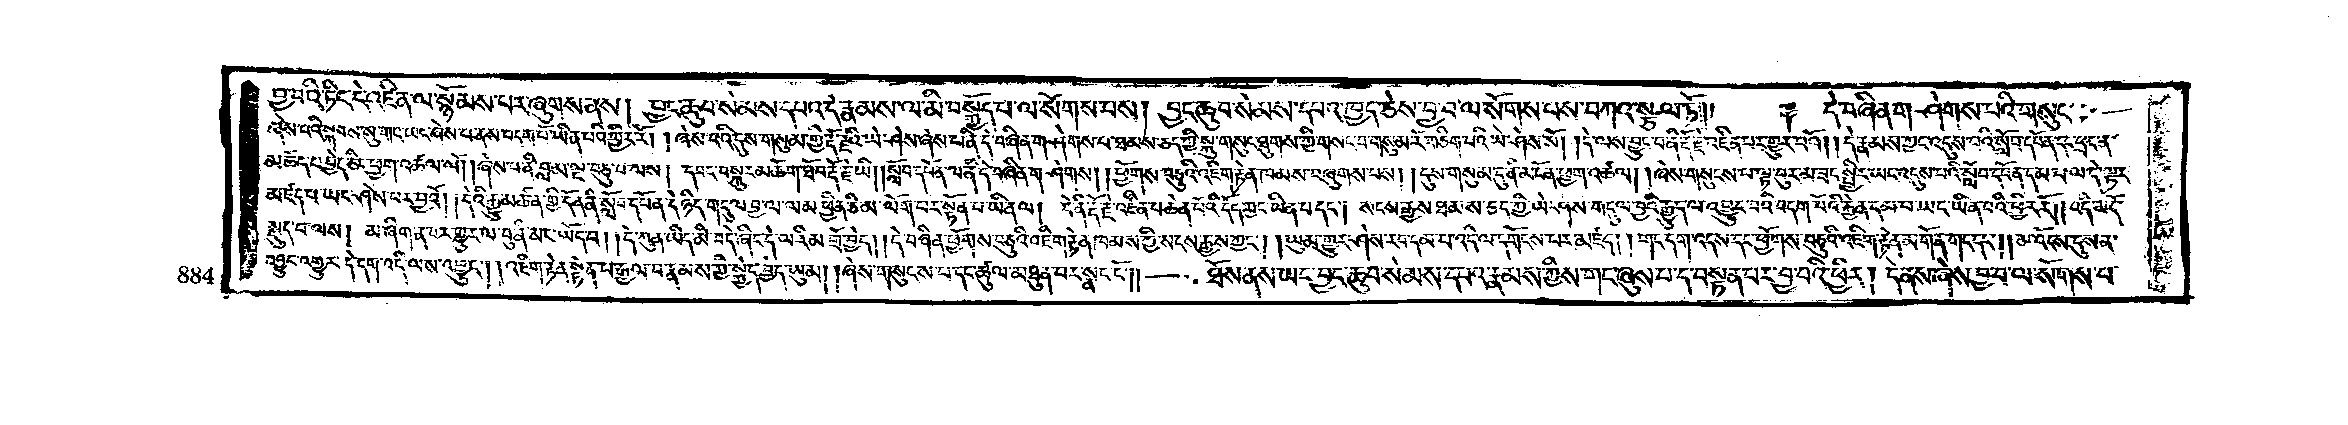བྱ་བའི་ཏིང་ངེ་འཛིན་ལ་སྙོམས་པར་ཞུགས་ནས། བྱང་ཆུབ་སེམས་དཔའ་དེ་རྣམས་ལ་མི་བསྐྱོད་པ་ལ་སོགས་པས། བྱང་ཆུབ་སེམས་དཔའ་ཁྱེད་ཅེས་བྱ་བ་ལ་སོགས་པས་བཀའ་སྩལ་ཏོ།། ༈ དེ་བཞིན་གཤེགས་པའི་གསུང་H.
ཞེས་པའི་སྐབས་སུ་གང་ཡང་ཞེས་པ་ནས་བདག་པོ་ཡིན་པའི་ཕྱིར་རོ། །ཞེས་པའི་དུས་གསུམ་གྱི་རྡོ་རྗེ་ཡེ་ཤེས་ཞེས་པ་ནི་དེ་བཞིན་གཤེགས་པ་ཐམས་ཅད་ཀྱི་སྐུ་གསུང་ཐུགས་ཀྱི་གསང་བ་གསུམ་རོ་གཅིག་པའི་ཡེ་ཤེས་སོ། །དེ་ལས་བྱུང་བ་ནི་རྡོ་རྗེ་འཛིན་པར་གྱུར་པའོ། །དེ་རྣམས་ཀྱང་འདུས་པའི་སློབ་དཔོན་དང་ཕྲད་ན་
མཆོད་པ་བྱེད་ཅིང་ཕྱག་འཚལ་ལོ། །ཞེས་པ་ནི་བླ་མ་ལྔ་བཅུ་པ་ལས། དབང་བསྐུར་མཆོག་ཐོབ་རྡོ་རྗེ་ཡི། །སློབ་དཔོན་ལ་ནི་དེ་བཞིན་གཤེགས། །ཕྱོགས་བཅུའི་འཇིག་རྟེན་ཁམས་བཞུགས་པས། །དུས་གསུམ་དུ་ནི་མངོན་ཕྱག་འཚལ། །ཞེས་གསུངས་པ་ལྟ་བུར་མ་ཟད་སྦྱོར་ཡང་འདུས་པའི་སློབ་དཔོན་དམ་པ་ལ་དེ་ལྟར་
མཛད་པ་ཡང་ཤེས་པར་བྱའོ། །དེའི་རྒྱུ་མཚན་གྱི་དོན་ནི་སློབ་དཔོན་དེ་ཉིད་གདུལ་བྱ་ལ་ལམ་ཕྱིན་ཅི་མ་ལོག་པར་སྟོན་པ་ཡིན་ལ། ང་ནི་རྡོ་རྗེ་འཛིན་པ་ཆེན་པོའི་དེད་ཀྱང་ཡིན་པ་དང་། སངས་རྒྱས་ཐམས་ཅད་ཀྱི་ཡེ་ཤེས་གདུལ་བྱའི་རྒྱུད་ལ་འབྱུང་བའི་བདག་པོའི་རྐྱེན་དམ་པ་ཡང་ཡིན་པའི་ཕྱིར་རོ། །འདི་མདོ་
སྡུད་པ་ལས། མ་ཞིག་ན་བར་གྱུར་ལ་བུ་ནི་མང་ཡོད་པ། །དེ་ཀུན་ཡོད་མེ་བདེ་ཞིང་དེ་ལ་རིམ་གྲོ་བྱེད། །དེ་བཞིན་ཕྱོགས་བཅུའི་འཇིག་རྟེན་ཁམས་ཀྱི་སངས་རྒྱས་ཀྱང་། །ཡུམ་གྱུར་ཤེས་རབ་དམ་པ་འདི་ལ་དགོངས་པར་མཛད། །གང་དག་འདས་དང་ཕྱོགས་བཅུའི་འཇིག་རྟེན་མགོན་གང་དང་། །མ་འོངས་དུས་ན་
འབྱུང་འགྱུར་དེ་དག་འདི་ལས་འབྱུང་། །འཇིག་རྟེན་སྟོན་པ་རྒྱལ་བ་རྣམས་ཀྱི་སྐྱེད་བྱེད་ཡུམ། །ཞེས་གསུངས་པ་དང་ཚུལ་མཐུན་བར་སྣང་ངོ།། .H ཐོས་ནས་ཡང་བྱང་ཆུབ་སེམས་དཔའ་རྣམས་ཀྱིས་གང་ཞུས་པ་དེ་བསྟན་པར་བྱ་བའི་ཕྱིར། ད་ནས་ཞེས་བྱ་བ་ལ་སོགས་པ་